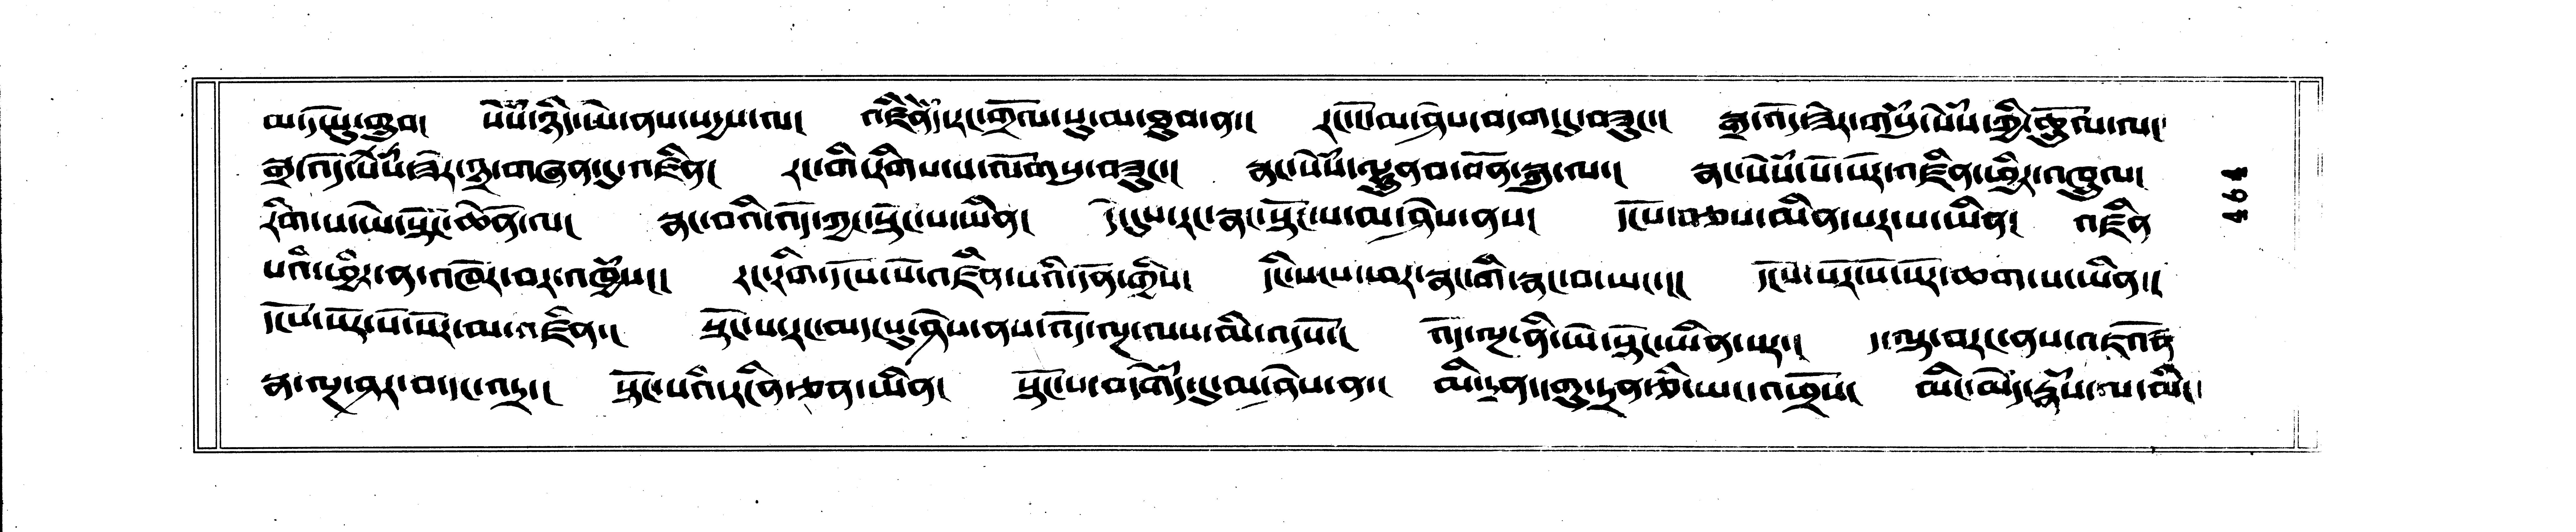མ་དངོས་སུ་གྲུབ། སེམས་ཉིད་ཡེ་ནས་སངས་རྒྱས་ལ། འཛིན་མེད་གྲོལ་དུ་མ་ཐུབ་ནས། རང་ངོ་མ་ཤེས་བདག་དུ་བཟུང་། སྒྲ་འོད་ཟེར་གསུམ་སེམས་ཀྱིས་འཆོ་འཕྲུལ་ལ། 
སྒྲ་འོད་ཟེར་གསུམ་གཞན་སྣང་དུ་འཛིན། རང་གིས་རིག་པ་ལོགས་སུ་བཟུང་། སྣང་སེམས་ལྷུན་གྲུབ་བོན་སྐུ་ལ། སྣང་སེམས་སོ་སོར་འཛིན་ཕྱིར་འཁྲུལ། 
རིག་པ་ཡེ་སྟོང་ཆེན་པོ་ལ། སྣང་བའི་འོད་ཀྱང་སྟོང་པ་ཡིན། དེ་དུས་རང་སྣང་སྟོང་པར་མ་ཤེས་ནས། དངོས་བཅས་ཡིན་པར་འཛིན་པ་ཡིན། འཛིན་
པའི་ཕྱིར་ན་འཁོར་བར་འཁྱམས། རང་གིས་དངོས་པོར་འཛིན་པའི་དོན་གྱིས། དིང་སང་ཕར་སྣང་གིས་སྣང་བ་ཡང་། དངོས་པོར་ཆགས་པ་ཡིན། 
དངོས་པོར་མ་འཛིན་ སྟོང་པ་རང་གདངས་སུ་ཤེས་ན་འོད་ལྔ་ལས་མི་གདའ་འོ། འོད་ལྔ་ནི་ཡེ་སྟོང་ཡིན་པས། ད་ལྟ་ཕར་སྣང་ལ་གཞའ་ཚོན་
སྣ་ལྔ་ཤར་བ་དང་འདྲའོ། སྟོང་པའི་རང་བཞིན་ཅན་ཡིན། སྟོང་པ་བདག་མེད་དུ་མ་ཤེས་པ། མི་དྲན་དགུ་དྲན་ཅི་ཡང་འཕྲོ། མིང་མེད་རྣམས་ལ་མིང་